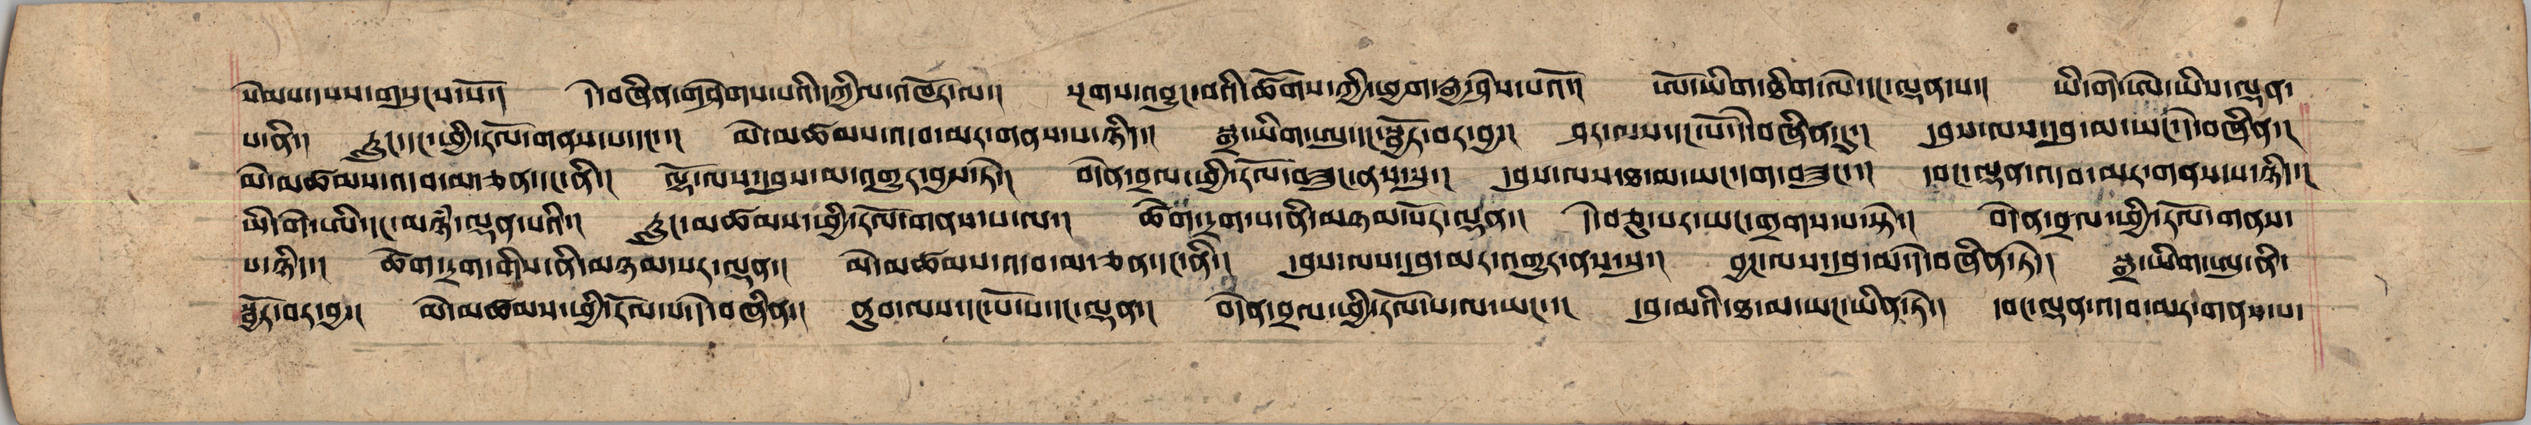སེམས་དཔས་གསུངས་སོ་། དེ་བཞིན་གཤེགས་པའི་དཀྱིལ་འཁོར་ལ་། སྔགས་འབྱུང་བའི་ཚོགས་ཀྱི་ཕྱག་རྒྱ་ཤེས་པའོ་། ཨོ་ཡིག་ཐིག་ལེ་དང་ལྡན་པ་། ཡི་གེ་ཨེ་ཡིས་ལྡན་
པ་ནི་། རླུང་དང་ཕྱི་རོལ་གནས་པ་དང་་། མེ་མཚམས་འདབ་མར་གནས་པ་ཉིད་། སྒྲ་ཡིག་ཨུ་དང་སྦྱོར་བར་བྱ་། ཤར་ལས་དང་པོ་དེ་བཞིན་དུ་། དབུས་ལས་དབུ་མ་ཡང་དེ་བཞིན་།
མེ་མཚམས་འདབ་མ་ཅན་དང་ནི་། ལྷོ་ལས་དབུས་མ་འགྱུར་བྱས་ཏེ་། བདེན་བྲལ་ཕྱི་རོལ་བཟུང་ནས་སུ་། དབུས་ལས་ཐ་མ་ཡང་དག་བཟུང་། དབང་ལྡན་འདབ་མར་གནས་པ་ཉིད་།
ཡི་གེ་ཨི་དང་མཉཾ་ལྡན་པའི་། རླུང་མཚམས་ཕྱི་རོལ་གནས་པ་ལ་། ཚེག་དྲག་པ་ནི་མཉམ་པོར་ལྡན་། དེ་བཅུ་པར་ཡང་གྲགས་པ་སྟེ་། བདེན་བྲལ་ཕྱི་རོལ་གནས་
པ་ཉིད་། ཚེག་དྲག་གིས་ནི་མཉམ་པར་ལྡན་། མེ་མཚམས་འདབ་མ་ཅན་དང་ནི་། དབུས་ལས་དབུ་མར་འགྱུར་ནས་སུ་། བྱང་ལས་དབུ་མ་དེ་བཞིན་ཏེ་། སྒྲ་ཡིག་ཨུ་ནི་
སྦྱོར་བར་བྱ་། མེ་མཚམས་ཕྱི་རོལ་པ་དེ་བཞིན་། ནུབ་ལས་དང་པོ་པ་དང་ལྡན་། བདེན་བྲལ་ཕྱི་རོལ་པ་ལ་ཡང་་། དབུ་མའི་ཐ་མ་ཡང་ཡིན་ཏེ་། དབང་ལྡན་འདབ་མར་གནས་པ་